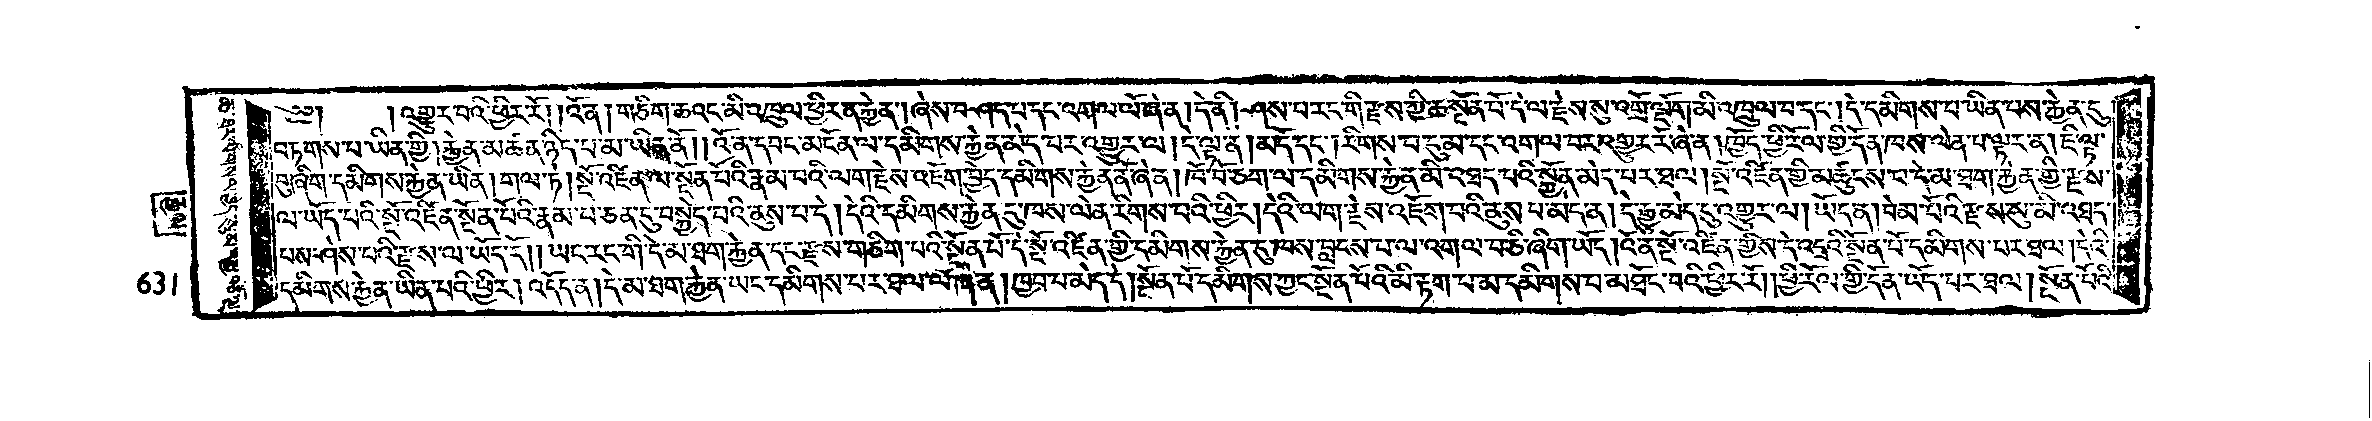༄༅། །འགྱུར་བའི་ཕྱིར་རོ། །འོ་ན། གཅིག་ཆའང་མི་འཁྲུལ་ཕྱིར་ན་རྐྱེན། ཞེས་བཤད་པ་དང་འགལ་ལོ་ཞེ་ན། དེ་ནི། ཤས་པ་རང་གི་རྫས་ཀྱི་ཆ་སྔོན་པོ་དེ་ལ་རྗེས་སུ་འགྲོ་ལྡོག་མི་འཁྲུལ་བ་དང་། དེ་དམིགས་པ་ཡིན་པས་རྐྱེན་
བཏགས་པ་ཡིན་གྱི། རྐྱེན་མཚན་ཉིད་པ་མ་ཡིན་ནོ། །འོ་ན་དབང་མངོན་ལ་དམིགས་རྐྱེན་མེད་པར་འགྱུར་ལ། དེ་ལྟ་ན། མདོ་དང་། རིགས་བ་དུ་མ་དང་འགལ་བར་འགྱུར་རོ་ཞེ་ན། ཁྱོད་ཕྱི་རོལ་གྱི་དོན་ཁས་ལེན་པ་ལྟར་ན། ཇི་ལྟ་
བུ་ཞིག་དམིགས་རྐྱེན་ཡིན། གལ་ཏེ། སྔོ་འཛིན་ལ་སྔོན་པོའི་རྣམ་པའི་ལག་རྗེས་འཇོག་བྱེད་དམིགས་རྐྱེན་ནོ་ཞེ་ན། ཁོ་བོ་ཅག་ལ་དམིགས་རྐྱེན་མི་འཐད་པའི་སྐྱོན་མེད་པར་ཐལ། སྔོ་འཛིན་གྱི་མཚུངས་པ་དེ་མ་ཐག་རྐྱེན་གྱི་རྫས་
ལ་ཡོད་པའི་སྔོ་འཛིན་སྔོན་པོའི་རྣམ་པ་ཅན་དུ་བསྐྱེད་པའི་ནུས་པ་དེ། དེའི་དམིགས་རྐྱེན་དུ་ཁས་ལེན་རིགས་པའི་ཕྱིར། དེའི་ལག་རྗེས་འཇོག་པའི་ནུས་པ་མེད་ན། དེ་རྒྱུ་མེད་དུ་འགྱུར་ལ། ཡོད་ན། བེམ་པོའི་རྫས་སུ་མི་འཐད་
པས་ཤེས་པའི་རྫས་ལ་ཡོད་དོ། །ཡང་རང་གི་དེ་མ་ཐག་རྐྱེན་དང་རྫས་གཅིག་པའི་སྔོན་པོ་དེ་སྔོ་འཛིན་གྱི་དམིགས་རྐྱེན་དུ་ཁས་བླངས་པ་ལ་འགལ་བ་ཅི་ཞིག་ཡོད། འོ་ན་སྔོ་འཛིན་གྱིས་དེ་འདྲའི་སྔོན་པོ་དམིགས་པར་ཐལ། དེའི་
དམིགས་རྐྱེན་ཡིན་པའི་ཕྱིར། འདོད་ན། དེ་མ་ཐག་རྐྱེན་ཡང་དམིགས་པར་ཐལ་ལོ་ཞེ་ན། ཁྱབ་པ་མེད་དེ། སྔོན་པོ་དམིགས་ཀྱང་སྔོན་པོའི་མི་རྟག་པ་མ་དམིགས་པ་མཐོང་བའི་ཕྱིར་རོ། །ཕྱི་རོལ་གྱི་དོན་ཡོད་པར་ཐལ། སྔོན་པོའི་